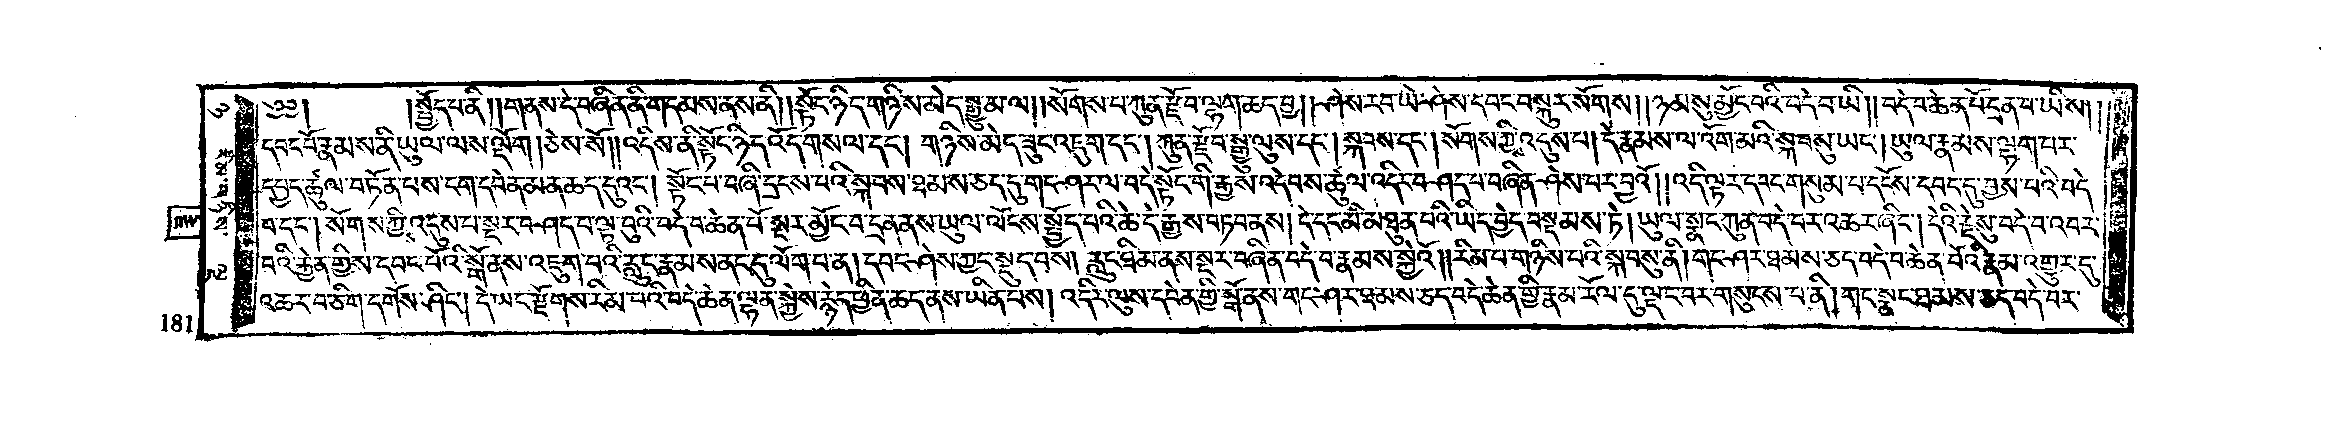༄༅། །སྤྱོད་པ་ནི། །གནས་དེ་བཞིན་ནི་གདམས་ནས་ནི། །སྟོང་ཉིད་གཉིས་མེད་སྒྱུ་མ་ལ། །སོགས་པ་ཀུན་རྫོབ་ལྷག་ཆད་བྱ། །ཤེས་རབ་ཡེ་ཤེས་དབང་བསྐུར་སོགས། །ཉམས་སུ་མྱོང་བའི་བདེ་བ་ཡི། །བདེ་བ་ཆེན་པོ་དྲན་པ་ཡིས། །
དབང་པོ་རྣམས་ནི་ཡུལ་ལས་ལྡོག །ཅེས་སོ། །འདིས་ནི་སྟོང་ཉིད་འོད་གསལ་དང་། གཉིས་མེད་ཟུང་འཇུག་དང་། ཀུན་རྫོབ་སྒྱུ་ལུས་དང་། སྐབས་དང་། སོགས་ཀྱིས་འདུས་པ། དེ་རྣམས་ལ་འོག་མའི་སྐབས་སུ་ཡང་། ཡུལ་རྣམས་ལྷག་པར་
དཔྱད་ཚུལ་བཏོན་པས་ངག་དབེན་མན་ཆད་དུའང་། སྟོང་པ་བཞི་དྲངས་པའི་སྐབས་ཐམས་ཅད་དུ་གང་ཤར་ལ་བདེ་སྟོང་གི་རྒྱས་འདེབས་ཚུལ་འདིར་བཤད་པ་བཞིན་ཤེས་པར་བྱའོ། །འདི་ལྟར་དབང་གསུམ་པ་དངོས་དབང་དུ་བྱས་པའི་བདེ་
བ་དང་། སོགས་ཀྱིས་འདུས་པ་སྔར་བཤད་པ་ལྟ་བུའི་བདེ་བ་ཆེན་པོ་སྔར་མྱོང་བ་དྲན་ནས་ཡུལ་ལོངས་སྤྱོད་པའི་ཆེ་དེ་རྒྱས་བཏབ་ནས། དེ་དང་མི་མཐུན་པའི་ཡིད་བྱེད་བསྡམས་ཏེ། ཡུལ་སྣང་ཀུན་བདེ་བར་འཆར་ཞིང་། དེའི་རྗེས་སུ་བདེ་བ་འབར་
བའི་རྐྱེན་གྱིས་དབང་པོའི་སྒོ་ནས་འཇུག་པའི་རླུང་རྣམས་ནང་དུ་ལོག་པ་ན། དབང་ཤེས་ཀྱང་སྡུད་པས། རླུང་ཐིམ་ནས་སྔར་བཞིན་བདེ་བ་རྣམས་སྐྱེའོ། །རིམ་པ་གཉིས་པའི་སྐབས་སུ་ནི། གང་ཤར་ཐམས་ཅད་བདེ་བ་ཆེན་པོའི་རྣམ་འགྱུར་དུ་
འཆར་བ་ཅིག་དགོས་ཤིང་། དེ་ཡང་རྫོགས་རིམ་པའི་བདེ་ཆེན་ལྷན་སྐྱེས་རྙེད་ཕྱིན་ཆད་ནས་ཡིན་པས། འདིར་ལུས་དབེན་གྱི་སྒོ་ནས་གང་ཤར་ཐམས་ཅད་བདེ་ཆེན་གྱི་རྣམ་རོལ་དུ་ལྡང་བར་གསུངས་པ་ནི། གང་སྣང་ཐམས་ཅད་བདེ་བར་